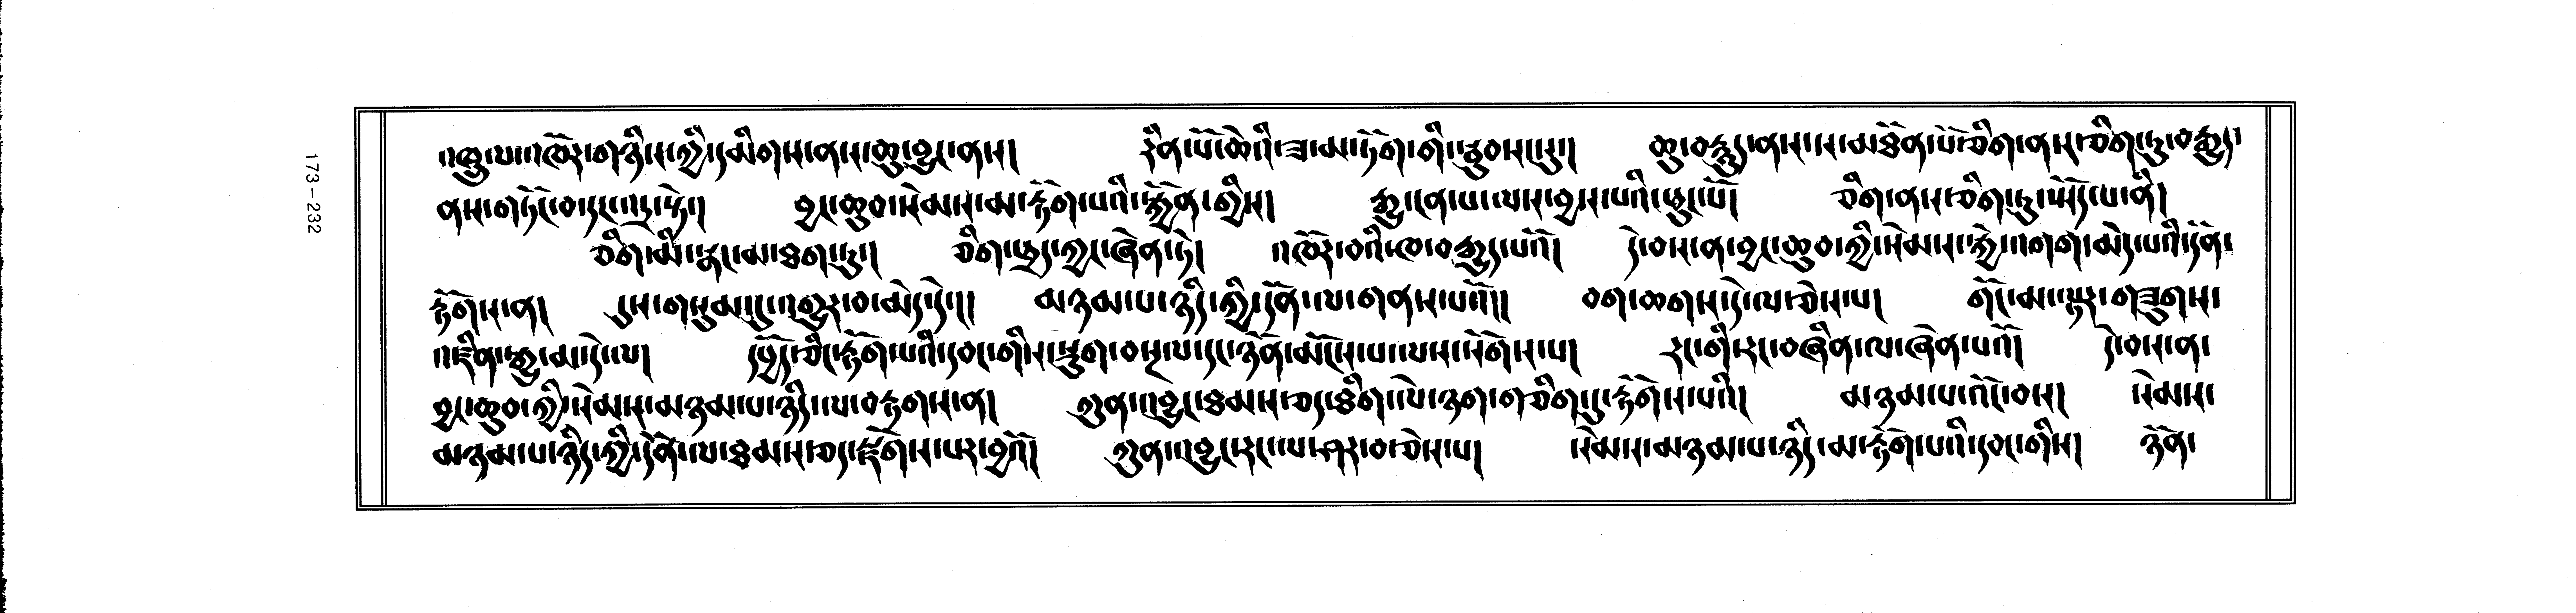འཁྲུལ་འཁོར་གཉིས་ཀྱི་དམིགས་ནས་ཆུ་བྱུང་ནས། རིན་པོ་ཆེའི་ཟ་མ་ཏོག་གི་སྦུབས་སུ། ཆུ་བརྙུད་ནས་ས་མཐོན་པོ་གཅིག་ནས་གཅིག་ཏུ་བརྒྱུད་
ནས་གཏོང་བ་དང་འདྲ་སྟེ། བྱང་ཆུབ་སེམས་མ་རྟོགས་པའི་སྐྱོན་གྱིས། རྒྱུ་ངན་པ་ལས་བྱས་པའི་ཕུང་པོ། གཅིག་ནས་གཅིག་ཏུ་སྤོད་༼སྤྲོད༽པ་ནི། 
གཅིག་མི་སྣང་མ་ཐག་ཏུ། ཅིག་ཕྲད་ཀྱང་ཞེན་ཏེ། འཁོར་བའི་ཁ་བརྒྱུད་པའོ། །དེ་བས་ན་བྱང་ཆུབ་ཀྱི་སེམས་སྐྱེ་འགག་མེད་པའི་དོན་
རྟོགས་ན། དུས་གསུམ་དུ་འགྱུར་བ་མེད་དེ། མཉམ་པ་ཉིད་ཀྱི་དོན་ལ་གནས་པའོ། །བག་ཆགས་དེ་ལ་ཅེས་པ། གོང་མ་ལྟར་གཟུགས་
འཛིན་སྒྱུ་མ་དེ་ལ། དཔྱོད་ཅིང་རྟོག་པའི་དབང་གིས་སྡུག་བསྔལ་དང་ཉོན་མོངས་པ་རང་གི་རང་བཞིན་ལ་ཞེན་པའོ། །དེ་བས་ན་
བྱང་ཆུབ་སེམས་མཉམ་པ་ཉིད་ལ་བརྟགས་ན། ཀུན་འབྱུང་ཐམས་ཅད་ཐིག་ལེ་ཉག་གཅིག་ལ་རྟོགས་པའི། མཉམ་པ་འོང་བས། སེམས་
མཉམ་པ་ཉིད་ཀྱི་དོན་ལ་ཐམས་ཅད་རྫོགས་པར་བྱའོ། །ཀུན་འབྱུང་རང་ལ་ཤར་བ་ཞེས་པ། སེམས་མཉམ་པ་ཉི་མ་རྟོགས་པའི་དབང་གིས། ཉོན་